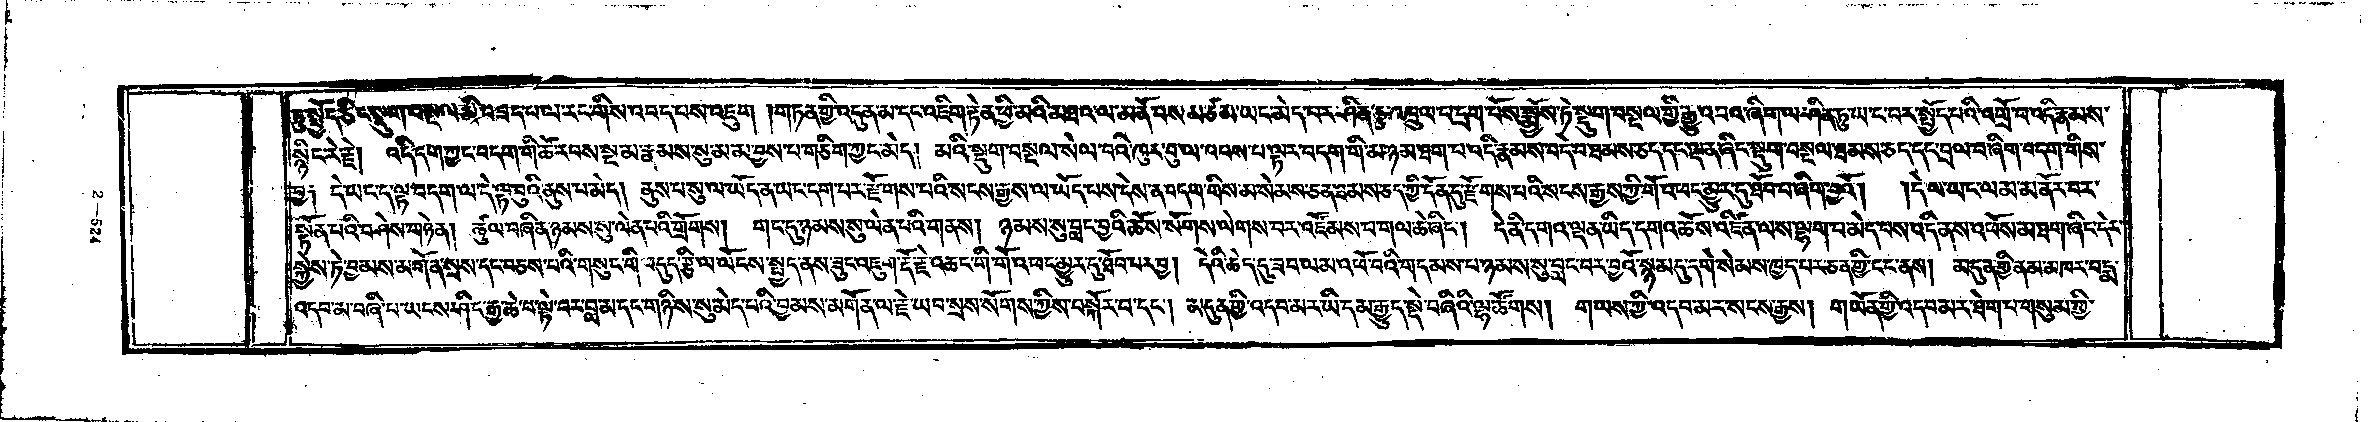ཏུ་སྤྱོད་ཅིང་སྡུག་བསྔལ་མི་བཟད་པ་ལ་རང་གིས་འབད་པས་འཇུག །གཏན་གྱི་འདུན་མ་དང་འཇིག་རྟེན་ཕྱི་མའི་མཐའ་ལ་མནོ་བསམ་ཙམ་ཡང་མེད་པར་ཤིན་ཆུ་འཁྲུལ་པ་དྲག་པོས་སྨྱོས་ཏེ་སྡུག་བསྔལ་གྱི་རྒྱུ་འབའ་ཞིག་ལ་ཤིན་ཏུ་ཡང་བར་སྤྱོད་པའི་འགྲོ་བ་འདི་རྣམས་
སྙིང་རེ་རྗེ། འདི་དག་ཀྱང་བདག་གི་ཚེ་རབས་སྔ་མ་རྣམས་སུ་མ་མ་བྱས་པ་གཅིག་ཀྱང་མེད། མའི་སྡུག་བསྔལ་སེལ་བའི་ཁུར་བུ་ལ་བབས་པ་ལྟར་བདག་གི་མ་ཉམ་ཐག་པ་འདི་རྣམས་བདེ་བ་ཐམས་ཅད་དང་ལྡན་ཞིང་སྡུག་བསྔལ་ཐམས་ཅད་དང་བྲལ་བ་ཞིག་བདག་གིས་
བྱ༑ དེ་ཡང་ད་ལྟ་བདག་ལ་དེ་ལྟ་བུའི་ནུས་པ་མེད། ནུས་པ་སུ་ལ་ཡོད་ན་ཡང་དག་པར་རྫོགས་པའི་སངས་རྒྱས་ལ་ཡོད་པས་དེས་ན་བདག་གིས་མ་སེམས་ཅན་ཐམས་ཅད་ཀྱི་དོན་དུ་རྫོགས་པའི་སངས་རྒྱས་ཀྱི་གོ་འཕང་མྱུར་དུ་ཐོབ་བ་ཞིག་བྱའོ། །དེ་ས་ཡང་ལམ་མ་ནོར་བར་
སྟོན་པའི་བཤེས་གཉེན། ཚུལ་བཞིན་ཉམས་སུ་ལེན་པའི་གྲོགས། གང་དུ་ཉམས་སུ་ལེན་པའི་གནས། ཉམས་སུ་བླང་བྱའི་ཆོས་སོགས་ལེགས་བར་འཛོམས་པ་གལ་ཆེ་ཞིང་། དེ་ནི་དགའ་ལྡན་ཡིད་དགའ་ཆོས་འཛིན་ལས་ལྷག་པ་མེད་བས་འདི་ནས་འཕོས་མ་ཐག་ཞིང་དེར་
སྐྱེས་ཏེ་བྱམས་མགོན་སྲས་དང་བཅས་པའི་གསུང་གི་འདུད་རྩི་ལ་ལོངས་སྤྱད་ནས་ཟུང་འཇུག་རྡོ་རྗེ་འཆང་གི་གོ་འཕང་མྱུར་དུ་ཐོབ་པར་བྱ། དེའི་ཆེད་དུ་ཟབ་ལ་མ་འཕོ་བའི་གདམས་པ་ཉམས་སུ་བླང་བར་བྱའོ་སྙམ་དུ་དགེ་སེམས་ཁྱད་པར་ཅན་གྱི་ངང་ནས། མདུན་གྱི་ནམ་མཁར་པདམ་
འདབ་མ་བཞི་པ་ཡངས་ཤིང་རྒྱ་ཆེ་བ་ལྟེ་བར་བླ་མ་དང་གཉིས་སུ་མེད་པའི་བྱམས་མགོན་ལ་རྗེ་ཡབ་སྲས་སོགས་ཀྱིས་བསྐོར་བ་དང་། མདུན་གྱི་འདབ་མར་ཡི་དམ་རྒྱུད་སྡེ་བཞིའི་ལྷ་ཚོགས། གཡས་ཀྱི་འདབ་མར་སངས་རྒྱས། གཡོན་གྱི་འདབ་མར་ཐེག་པ་གསུམ་གྱི་